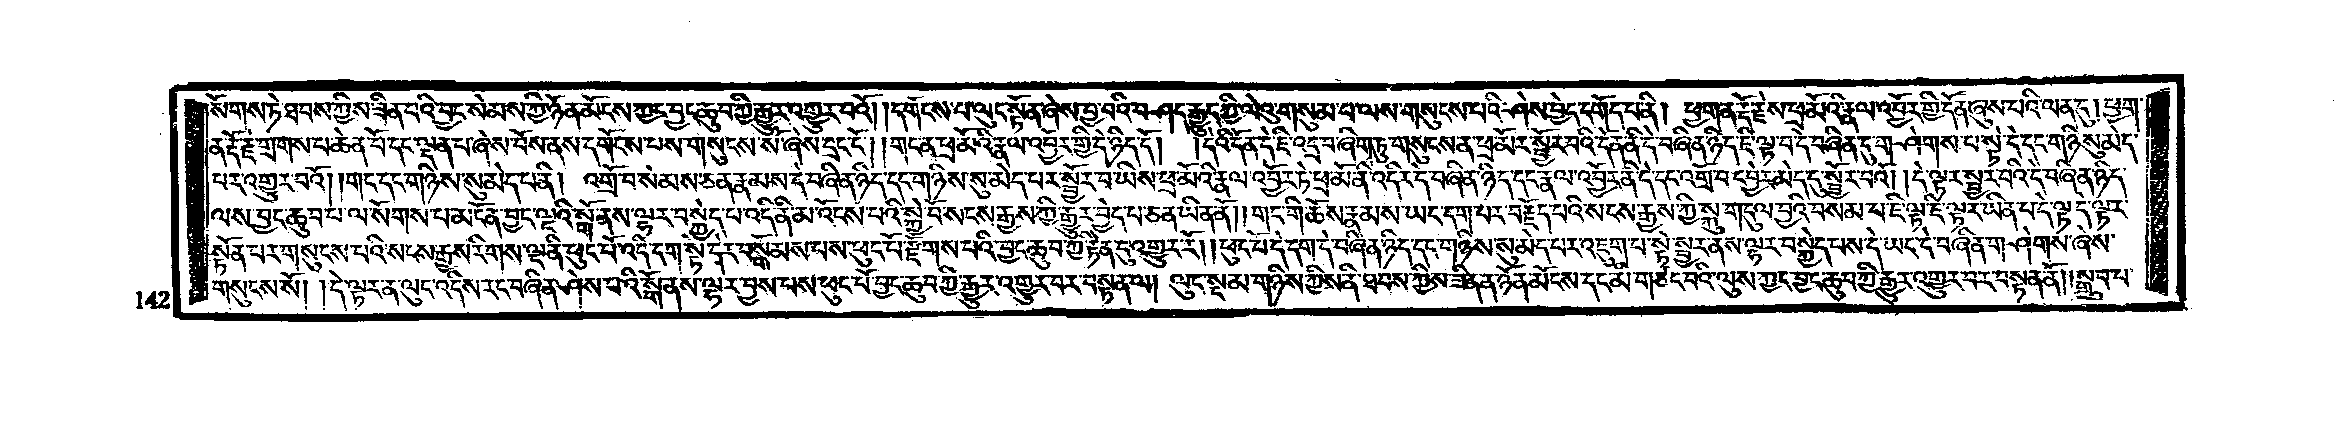སོགས་ཏེ་ཐབས་ཀྱིས་ཟིན་པའི་བྱང་སེམས་ཀྱི་ཉོན་མོངས་ཀྱང་བྱང་ཆུབ་ཀྱི་རྒྱུར་འགྱུར་བའོ། །དགོངས་པ་ལུང་སྟོན་ཞེས་བྱ་བའི་བཤད་རྒྱུད་ཀྱི་ལེའུ་གསུམ་པ་ལས་གསུངས་པའི་ཤེས་བྱེད་དགོད་པ་ནི། ཕྱག་ན་རྡོ་རྗེས་ཕྲ་མོའི་རྣལ་འབྱོར་གྱི་དོན་ཞུས་པའི་ལན་དུ། ཕྱག་
ན་རྡོ་རྗེ་གྲགས་པ་ཆེན་པོ་དང་ལྡན་པ་ཞེས་བོས་ནས་དགོངས་པས་གསུངས་སོ་ཞེས་དྲང་ངོ། །གང་ན་ཕྲ་མོའི་རྣལ་འབྱོར་གྱི་དེ་ཉིད་དོ། །དེའི་དོན་དེ་ཇི་འདྲ་བ་བཞིག་ཏུ་གསུངས་ན་ཕྲ་མོར་སྦྱོར་བའི་དོན་ནི་དེ་བཞིན་ཉིད་ཇི་ལྟ་བ་དེ་བཞིན་དུ་གཤེགས་པ་སྟེ་དེ་དང་གཉིས་སུ་མེད་
པར་འགྱུར་བའོ། །གང་དང་གཉིས་སུ་མེད་པ་ནི། འགྲོ་བ་སེམས་ཅན་རྣམས་དེ་བཞིན་ཉིད་དང་གཉིས་སུ་མེད་པར་སྦྱོར་བ་ཡིས་ཕྲ་མོའི་རྣལ་འབྱོར་ཏེ་ཕྲ་མོ་ནི་འདིར་དེ་བཞིན་ཉིད་དང་རྣལ་འབྱོར་ནི་དེ་དང་འགྲོ་བ་དབྱེར་མེད་དུ་སྦྱོར་བའོ། །དེ་ལྟར་སྦྱར་བའི་དེ་བཞིན་ཉིད་
ལས་བྱང་ཆུབ་པ་ལ་སོགས་པ་མངོན་བྱང་ལྔའི་སྒོ་ནས་ལྷར་བསྐྱེད་པ་འདི་ནི་མ་འོངས་པའི་སྐྱེ་བོ་སངས་རྒྱས་ཀྱི་རྒྱུར་བྱེད་པ་ཅན་ཡིན་ནོ། །གང་གི་ཆོས་རྣམས་ཡང་དག་པར་བརྗོད་པའི་སངས་རྒྱས་ཀྱི་སྐུ་གདུལ་བྱའི་བསམ་པ་ཇི་ལྟ་ཇི་ལྟར་ཡིན་པ་དེ་ལྟ་དེ་ལྟར་
སྟོན་པར་གསུངས་པའི་སངས་རྒྱས་ལྔ་ནི་ཕུང་པོ་འདི་དག་སྟེ་དེར་བསྒོམས་པས་ཕུང་པོ་རྫོགས་པའི་བྱང་ཆུབ་ཀྱི་རྟེན་དུ་འགྱུར་རོ། །ཕུང་པོ་དེ་དག་དེ་བཞིན་ཉིད་དང་གཉིས་སུ་མེད་པར་འཇུག་པ་སྟེ་སྦྱར་ནས་ལྷར་བསྐྱེད་པས་དེ་ཡང་དེ་བཞིན་གཤེགས་ཞེས་
གསུངས་སོ། །དེ་ལྟར་ན་ལུང་འདིས་རང་བཞིན་ཤེས་པའི་སྒོ་ནས་ལྷར་བྱས་པས་ཕུང་པོ་བྱང་ཆུབ་ཀྱི་རྒྱུར་འགྱུར་བར་བསྟན་ལ། ལུང་སྔ་མ་གཉིས་ཀྱིས་ནི་ཐབས་ཀྱིས་ཟིན་ན་ཉོན་མོངས་དང་མི་གཙང་བའི་ལུས་ཀྱང་བྱང་ཆུབ་ཀྱི་རྒྱུར་འགྱུར་བར་བསྟན་ནོ། །སྒྲུབ་པ་